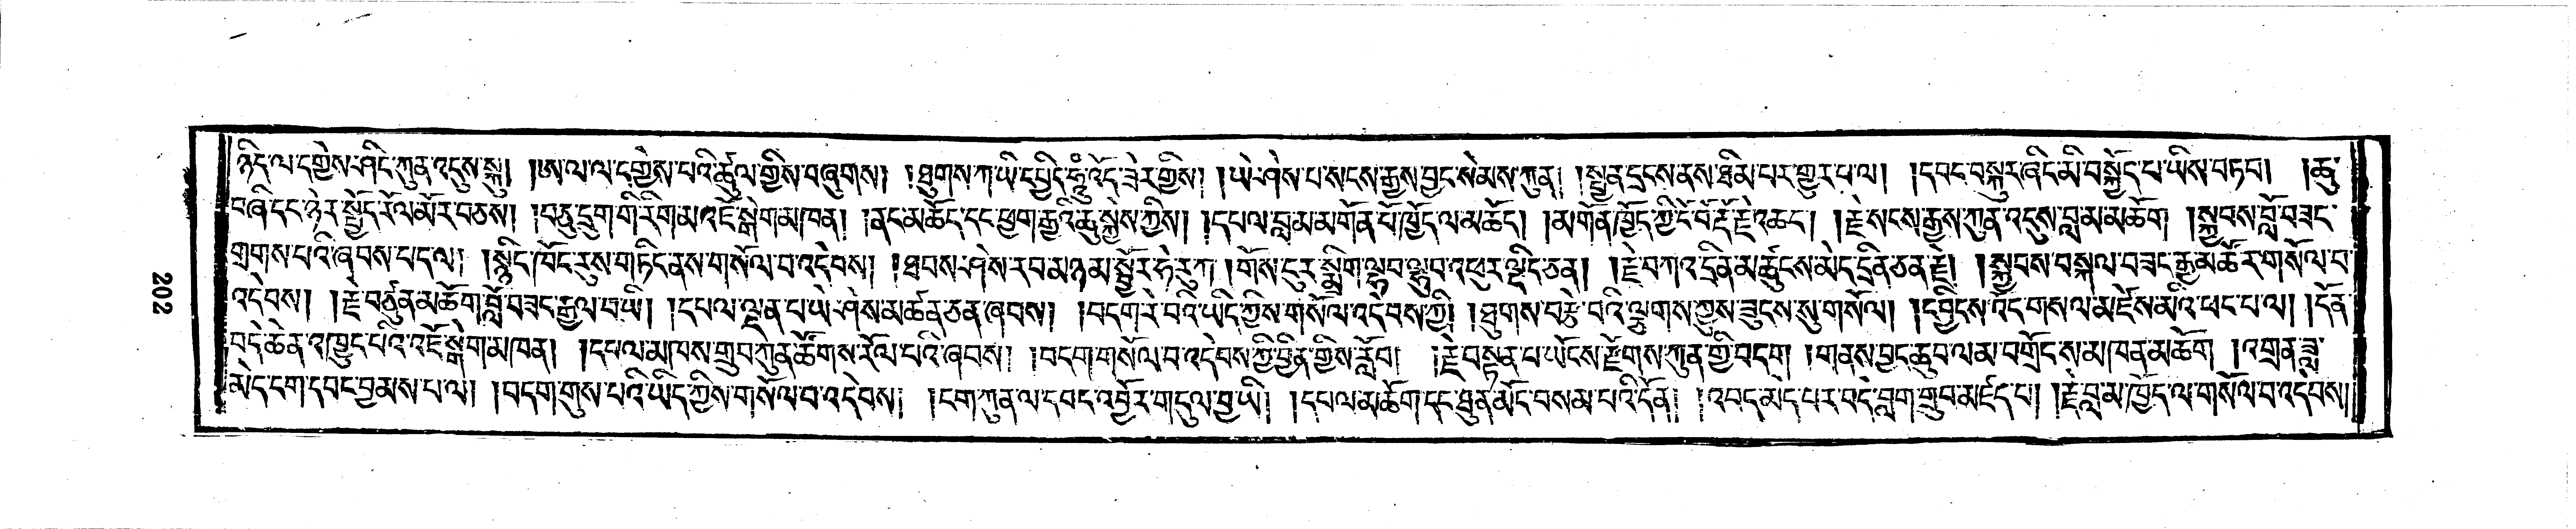ཉིད་ལ་དགྱེས་ཤིང་ཀུན་འདུས་སྐུ། །ཨ་ལ་ལ་དགྱེས་པའི་ཚུལ་གྱིས་བཞུགས། །ཐུགས་ཀ་ཡི་དཔྱིད་ཧཱུཾ་འོད་ཟེར་གྱིས། །ཡེ་ཤེས་པ་སངས་རྒྱས་བྱང་སེམས་ཀུན། །སྤྱན་དྲངས་ནས་ཐིམ་པར་གྱུར་པ་ལ། །དབང་བསྐུར་ཞིང་མི་བསྐྱོད་པ་ཡིས་བཏབ། །ཆུ་
བཞི་དང་ཉེར་སྤྱོད་རོལ་མོར་བཅས། །བཅུ་དྲུག་གི་རིག་མ་འཇོ་སྒེག་མཁན། །ནང་མཆོད་དང་ཕྱག་རྒྱའི་ཆུ་སྐྱེས་ཀྱིས། །དཔལ་བླ་མ་མགོན་པོ་ཁྱོད་ལ་མཆོད། །མགོན་ཁྱོད་ཀྱི་ངོ་བོ་རྡོ་རྗེ་འཆང་། །རྗེ་སངས་རྒྱས་ཀུན་འདུས་བླ་མ་མཆོག །སྐྱབས་བློ་བཟང་
གྲགས་པའི་ཞབས་པད་ལ། །སྙིང་ཁོང་རུས་གཏིང་ནས་གསོལ་བ་འདེབས། །ཐབས་ཤེས་རབ་མཉམ་སྦྱོར་ཧེ་རུ་ཀ །གོས་དུར་སྨྲིག་ལྷབ་ལྷུབ་འཕུར་ལྡིང་ཅན། །རྗེ་བཀའ་དྲིན་མཚུངས་མེད་དྲིན་ཅན་རྗེ། །སྐྱབས་བསྐལ་བཟང་རྒྱ་མཚོར་གསོལ་བ་
འདེབས། །རྗེ་བཙུན་མཆོག་བློ་བཟང་རྒྱལ་པ་ཡི། །དཔལ་ལྡན་པ་ཡེ་ཤེས་མཚན་ཅན་ཞབས། །བདག་རེ་བའི་ཡིད་ཀྱིས་གསོལ་འདེབས་ཀྱི། །ཐུགས་བརྩེ་བའི་ལྕགས་ཀྱུས་ཟུངས་སུ་གསོལ། །དབྱིངས་འོད་གསལ་མཛེས་མའི་ཕང་པ་ལ། །དོན་
བདེ་ཆེན་འཁྱུད་པའི་འཇོ་སྒེག་མཁན། །དཔལ་མཁས་གྲུབ་ཀུན་ཚོགས་རོལ་པའི་ཞབས། །བདག་གསོལ་བ་འདེབས་ཀྱི་བྱིན་གྱིས་རློབ། །རྗེ་བསྟན་པ་ཡོངས་རྫོགས་ཀུན་གྱི་བདག །གནས་བྱང་ཆུབ་ལམ་བགྲོང་ས་མཁན་མཆོག །འགྲན་ཟླ་
མེད་ངག་དབང་བྱམས་པ་ལ། །བདག་གུས་པའི་ཡིད་ཀྱིས་གསོལ་བ་འདེབས། །ངག་ཀུན་ལ་དབང་འབྱོར་གདུལ་བྱ་ཡི། །དཔལ་མཆོག་དང་ཐུན་མོང་བསམ་པའི་དོན། །འབད་མེད་པར་བདེ་བླག་གྲུབ་མཛད་པ། །རྗེ་བླ་མ་ཁྱོད་ལ་གསོལ་བ་འདེབས།